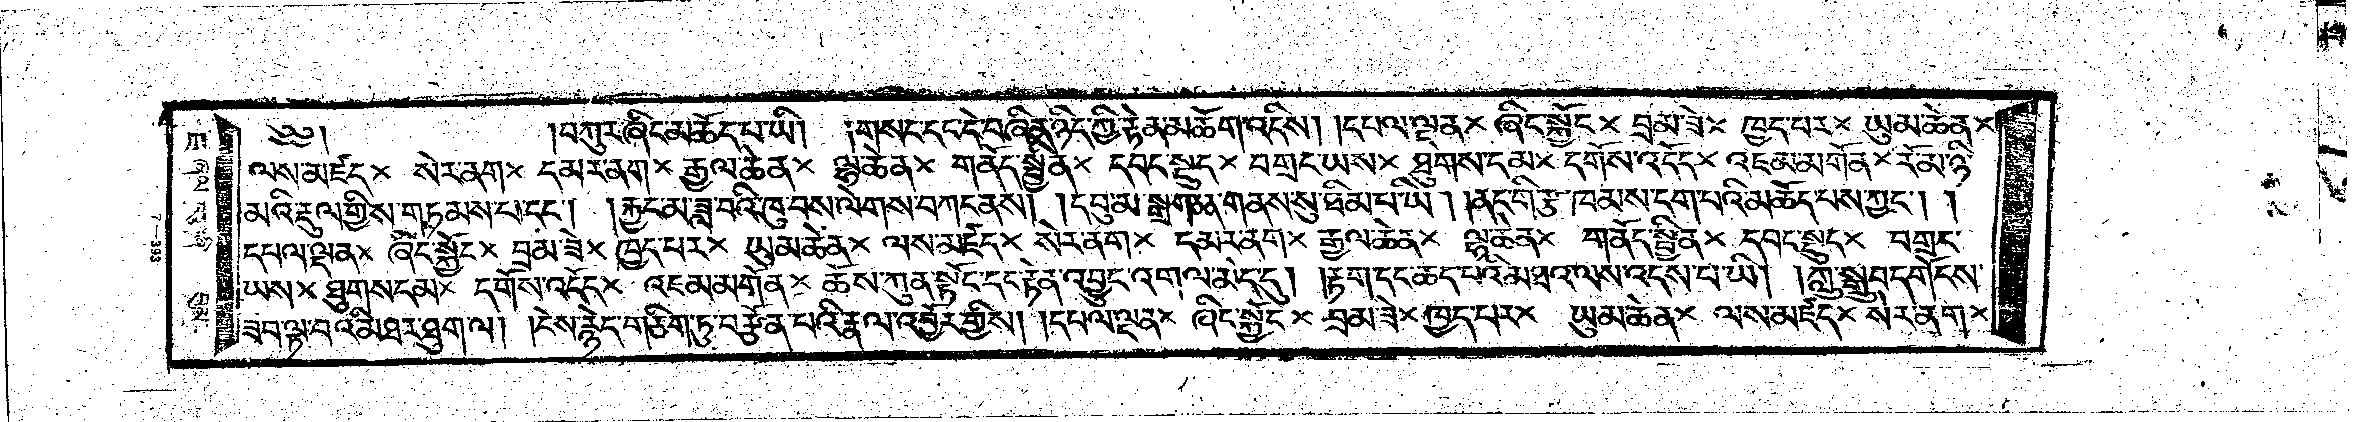༄༅། །བཀུར་ཞིང་མཆོད་པ་ཡི། །གསང་དང་དེ་བཞིན་ཉིད་ཀྱི་རྟེན་མཆོག་འདིས། །དཔལ་ལྡན་྾་ཞིང་སྐྱོང་྾་བྲམ་ཟེ་྾་ཁྱད་པར་྾་ཡུམ་ཆེན་྾་
ལས་མཛད་྾་སེར་ནག་྾་དམར་ནག་྾་རྒྱལ་ཆེན་྾་ལྷ་ཆེན་྾་གནོད་སྦྱིན་྾་དབང་སྡུད་྾་བགྲང་ཡས་྾་ཐུགས་དམ་྾་དགོས་འདོད་྾་འཇམ་མགོན་྾་རོ་མ་ཉི་
མའི་རྡུལ་གྱིས་གཏམས་པ་དང་། །རྐྱང་མ་ཟླ་བའི་ཁུ་བས་ལེགས་བཀང་ནས། །དབུ་མ་སྒྲ་གཅན་གནས་སུ་ཐིམ་པ་ཡི། །ནང་གི་རྩ་ཁམས་དག་པའི་མཆོད་པས་ཀྱང་། །
དཔལ་ལྡན་྾་ཞིང་སྐྱོང་྾་བྲམ་ཟེ་྾་ཁྱད་པར་྾་ཡུམ་ཆེན་྾་ལས་མཛད་྾་སེར་ནག་྾་དམར་ནག་྾་རྒྱལ་ཆེན་྾་ལྷ་ཆེན་྾་གནོད་སྦྱིན་྾་དབང་སྡུད་྾་བགྲང་
ཡས་྾་ཐུགས་དམ་྾་དགོས་འདོད་྾་འཇམ་མགོན་྾་ཆོས་ཀུན་སྟོང་དང་རྟེན་འབྱུང་འགལ་མེད་དུ། །རྟག་དང་ཆད་པའི་མཐའ་ལས་འདས་པ་ཡི། །ཀླུ་སྒྲུབ་དགོངས་
ཟབ་ལྟ་བའི་མཐར་ཐུག་ལ། །ངེས་རྙེད་གཅིག་ཏུ་བརྩོན་པའི་རྣལ་འབྱོར་གྱིས། །དཔལ་ལྡན་྾་ཞིང་སྐྱོང་྾་བྲམ་ཟེ་྾་ཁྱད་པར་྾་ཡུམ་ཆེན་྾་ལས་མཛད་྾་སེར་ནག་྾་